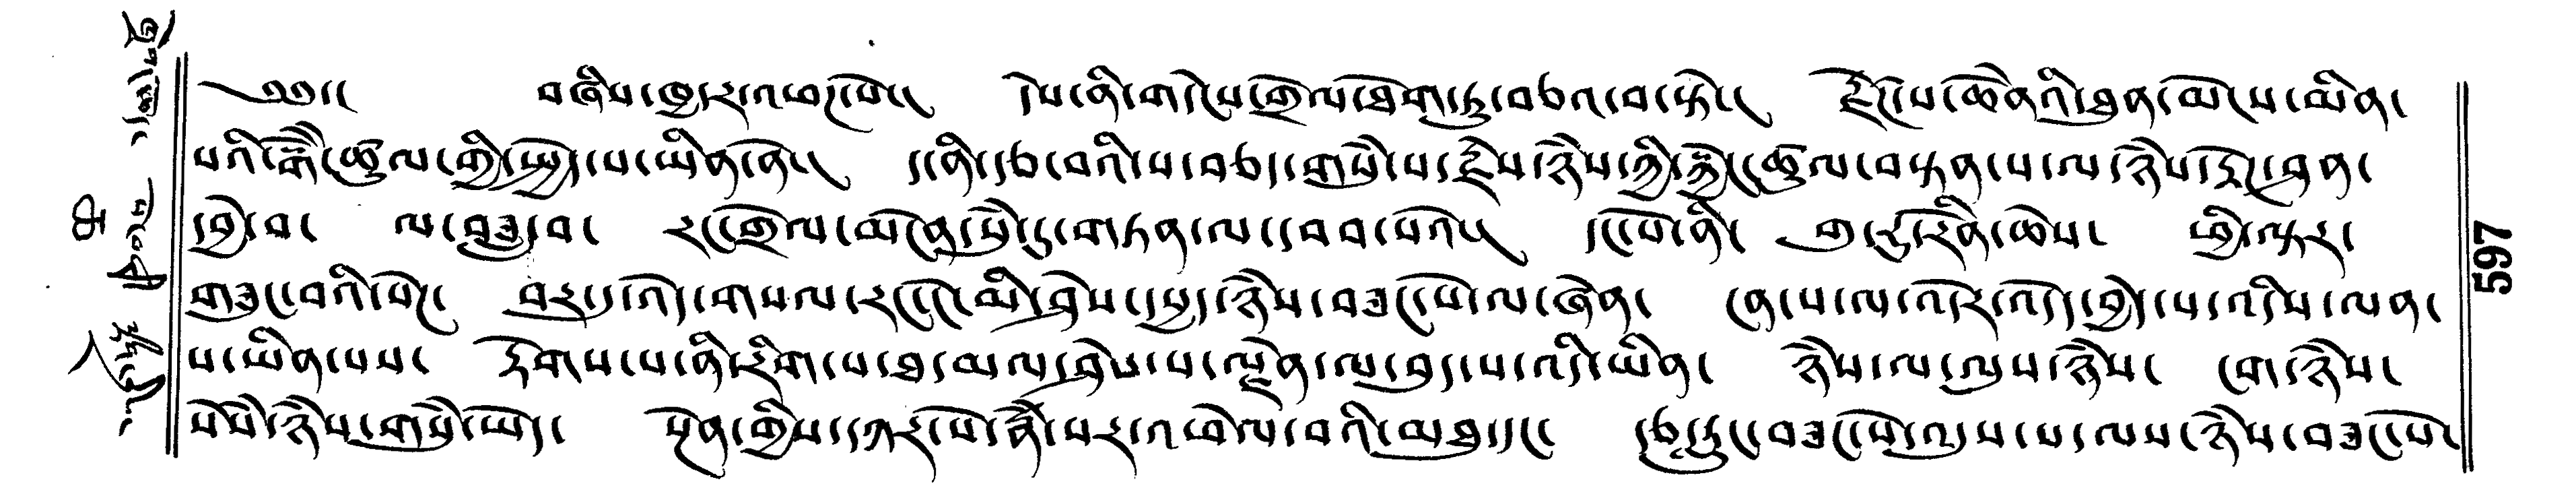བཞིས་ཁྱད་པར་འཕགས་སོ། དེས་ནི་གདེང་གྲོལ་ཐོག་ཏུ་བཅའ་བ་སྟེ། རྫོགས་པ་ཆེན་པོའི་ཐུན་མོང་མིན་
པའི་སྒོམ་ཚུལ་གྱི་སྤྱོད་པ་ཡིན་ནོ། ད་ནི་རྩ་བའི་ས་བཅད་གསུམ་པ་རྗེས་ཉམས་ཀྱིས་སྐྱོང་ཚུལ་བསྟན་པ་ལ་ཉམས་རྟོགས་ཤན་
དབྱེ་བ། ལ་བཟླ་བ། རང་གྲོལ་མངོན་སུམ་དུ་གཏན་ལ་དབབ་པའོ། དང་པོ་ནི། གུ་རུ་རིན་པོ་ཆེས། ཕྱི་ལྟར་
གཟུང་པའི་སོགས། བར་དུ་འོད་གསལ་རང་ངོ་མ་ཤེས་དཔྱད་ཉམས་བཟང་པོ་ལ་ཞེན། ངན་པ་ལ་འདོར་འདོད་བྱེད་པ་འདིས་ལན་
པ་ཡིན་པས། རྟོགས་པ་ནི་རིག་པ་ཐ་མལ་ཤེས་པ་རྗེན་ལ་བུད་པ་འདི་ཡིན། ཉམས་ལ། ལུས་ཉམས། ངག་ཉམས། 
སེམས་ཉམས་གསུམ་ཡོད། སྔོན་གྱིས་དཀར་པོ་རྣམ་པར་འཕེལ་བའི་མཐུ་དང་། རྩ་རླུང་བཟང་པོ་འདུས་པ་ལས་ཉམས་བཟང་པོ་